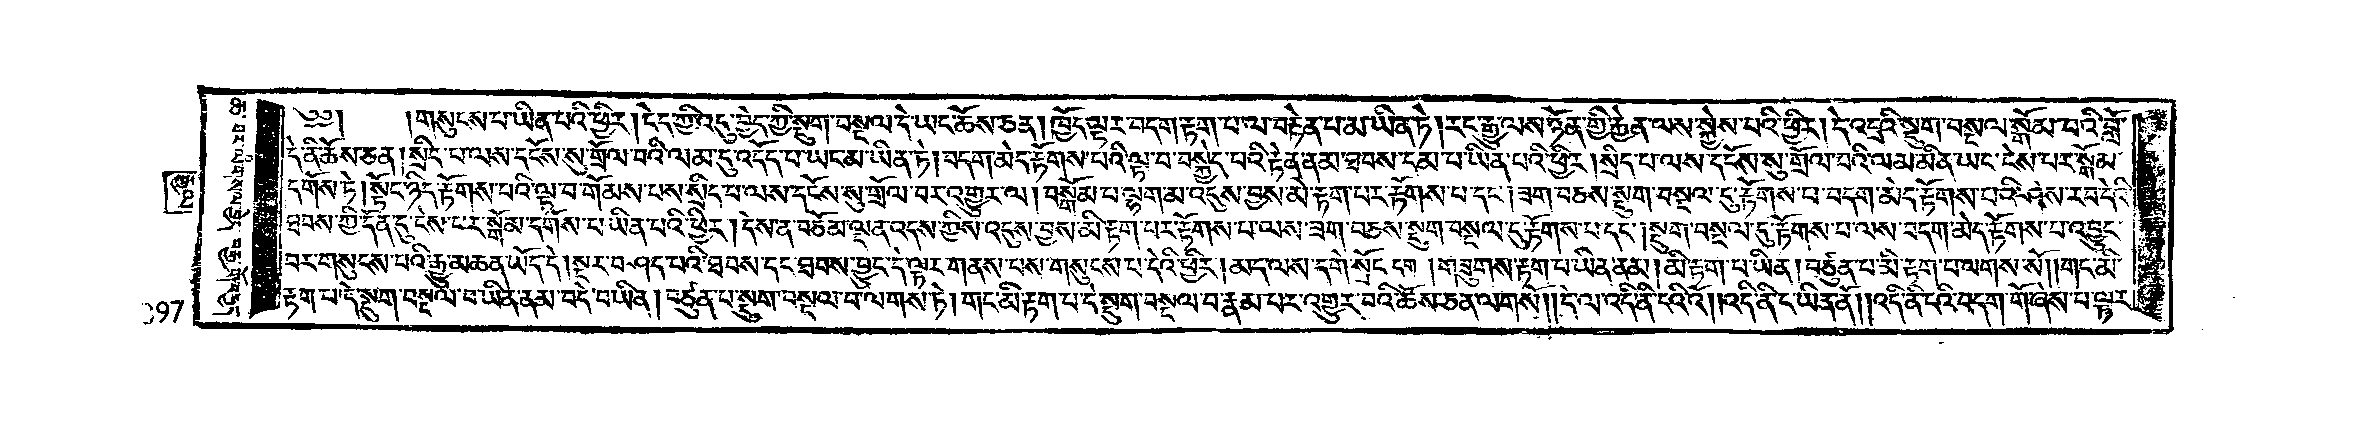༄༅། །གསུངས་པ་ཡིན་པའི་ཕྱིར། ངེད་ཀྱི་འདུ་བྱེད་ཀྱི་སྡུག་བསྔལ་དེ་ཡང་ཆོས་ཅན། ཁྱོད་ལྟར་བདག་རྟག་པ་ལ་བརྟེན་པ་མ་ཡིན་ཏེ། རང་རྒྱུ་ལས་ཉོན་གྱི་རྐྱེན་ལས་སྐྱེས་པའི་ཕྱིར། དེ་འདྲའི་སྡུག་བསྔལ་སྒོམ་པའི་བློ་
དེ་ནི་ཆོས་ཅན། སྲིད་པ་ལས་དངོས་སུ་གྲོལ་བའི་ལམ་དུ་འདོད་པ་ཡང་མ་ཡིན་ཏེ། བདག་མེད་རྟོགས་པའི་ལྟ་བ་བསྐྱེད་པའི་རྟེན་ནམ་ཐབས་དམ་པ་ཡིན་པའི་ཕྱིར། སྲིད་པ་ལས་དངོས་སུ་གྲོལ་བའི་ལམ་མིན་ཡང་ངེས་པར་སྒོམ་
དགོས་ཏེ། སྟོང་ཉིད་རྟོགས་པའི་ལྟ་བ་གོམས་པས་སྲིད་པ་ལས་དངོས་སུ་གྲོལ་བར་འགྱུར་ལ། བསྒོམ་པ་ལྷག་མ་འདུས་བྱས་མེ་རྟག་པར་རྟོགས་པ་དང་། ཟག་བཅས་སྡུག་བསྔལ་དུ་རྟོགས་པ་བདག་མེད་རྟོགས་པའི་ཤེས་རབ་དེའི་
ཐབས་ཀྱི་དོན་དུ་ངེས་པར་སྒོམ་དགོས་པ་ཡིན་པའི་ཕྱིར། དེས་ན་བཅོམ་ལྡན་འདས་ཀྱིས་འདུས་བྱས་མི་རྟག་པར་རྟོགས་པ་ལས་ཟག་བཅས་སྡུག་བསྔལ་དུ་རྟོགས་པ་དང་། སྡུག་བསྔལ་དུ་རྟོགས་པ་ལས་བདག་མེད་རྟོགས་པ་འབྱུང་
བར་གསུངས་པའི་རྒྱུ་མཚན་?་ཡོད་དེ། སྔར་བཤད་པའི་ཐབས་དང་ཐབས་བྱུང་དེ་ལྟར་གནས་པས་གསུངས་པ་དེའི་ཕྱིར། མང་?་ལས་དགེ་སྲོང་?་ངག་?་།གཟུགས་རྟག་པ་ཡིན་ནམ། མི་རྟག་པ་ཡིན། བཙུན་པ་མི་རྟག་པ་ལགས་སོ། །གང་མི་
རྟག་པ་དེ་སྡུག་བསྔལ་བ་ཡིན་ནམ་བདེ་བ་ཡིན། བཙུན་?་པ་སྡུག་བསྔལ་བ་ལགས་ཏེ། གང་མི་རྟག་པ་དེ་སྡུག་བསྔལ་བ་རྣམ་པར་འགྱུར་བའི་ཆོས་ཅན་ལགས་སོ། །དེ་ལ་འདི་ནི་ངའི་འོ། །འདི་ནི་ང་ཡིན་ནོ། །འདི་ནི་ངའི་བདག་གོ་ཞེས་པ་ལྟར་